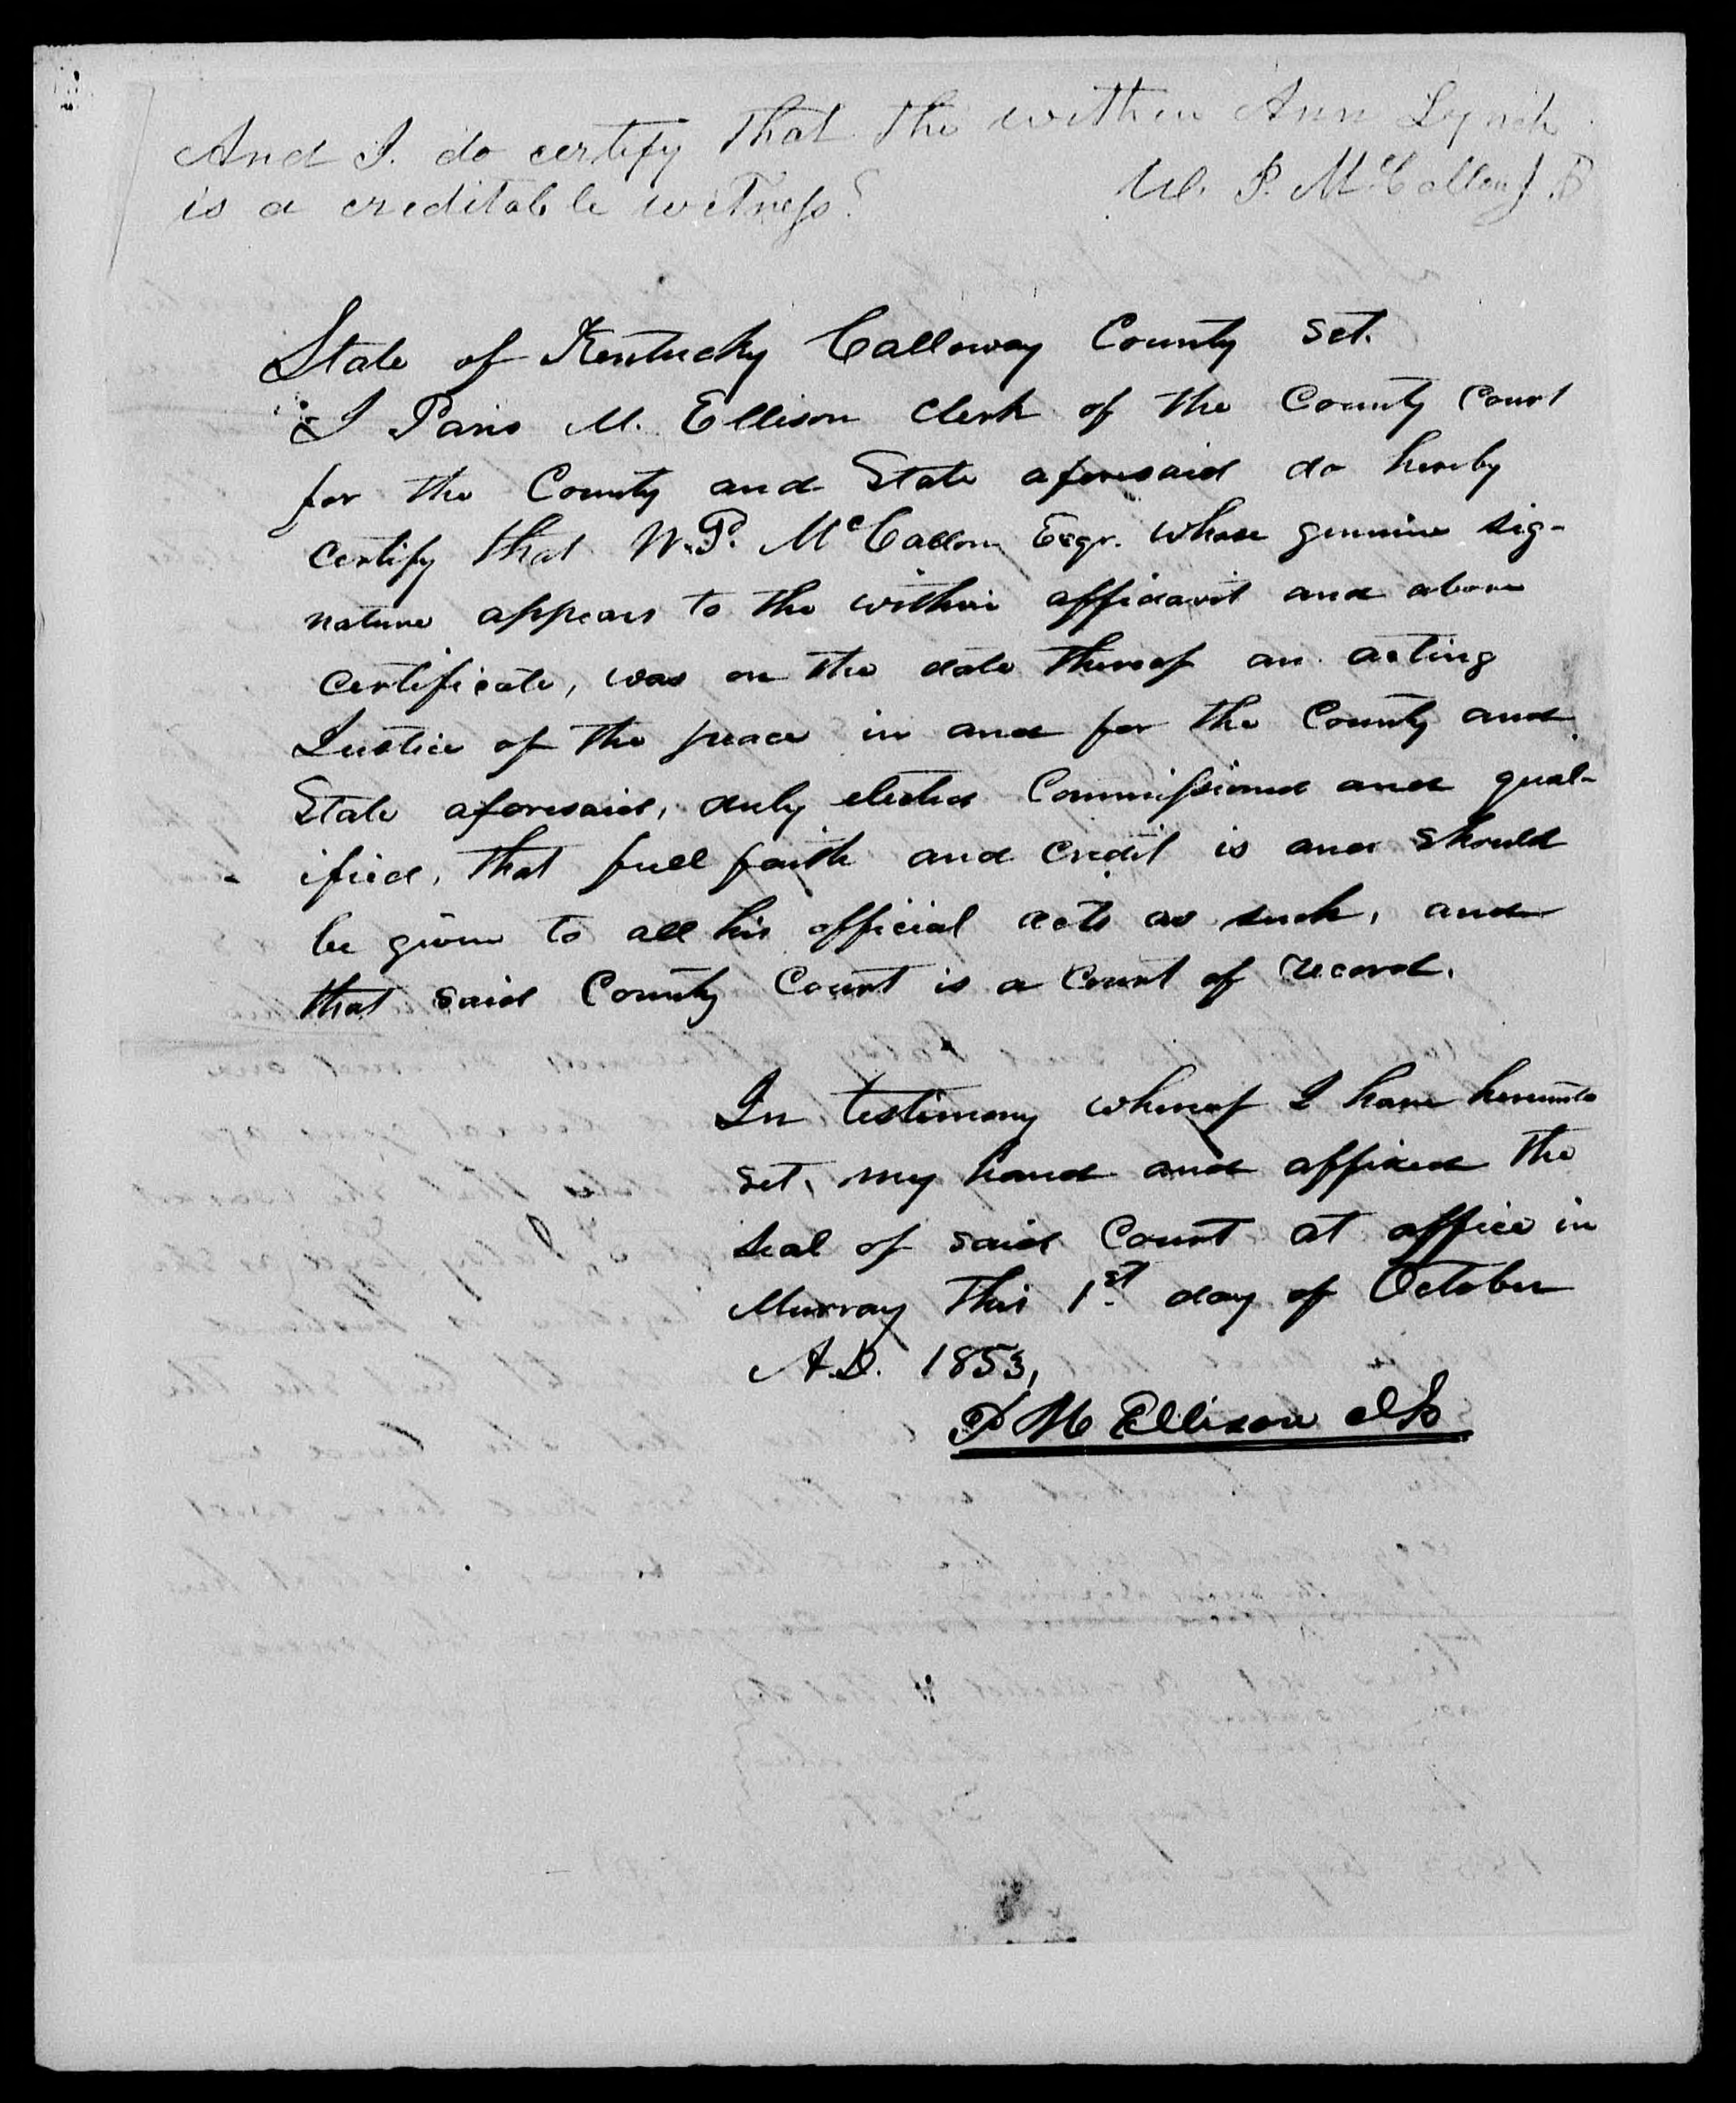And I do certify that the within Ann Lynch is a creditable witness W. P. McCallon J.P.
State of Kentucky Calloway County Set I Paris M. Ellison Clerk of the County Court for the County and State aforesaid do hereby certify that W. P. McCallon Esqr. whose genuine signature appears to the within affidavit and above certificate, was on the date thereof an acting Justice of the peace in and for the County and State aforesaid, duly elected Commissioned and qualified that full faith and credit is and should be given to all his official acts as such, and that said County Court is a Court of Record. In testimony whereof I have hereunto set my hand and affixed the Seal of said Court at office in Murray this 1st day of October A.D. 1853, P. M. Ellison clk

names: W P Mc Callon, Ann Lynch, W P Mc Callon, Paris M Ellison, P M Ellison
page: 46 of 51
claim: widow's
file: W. 27,409, William Dunnington, Md.